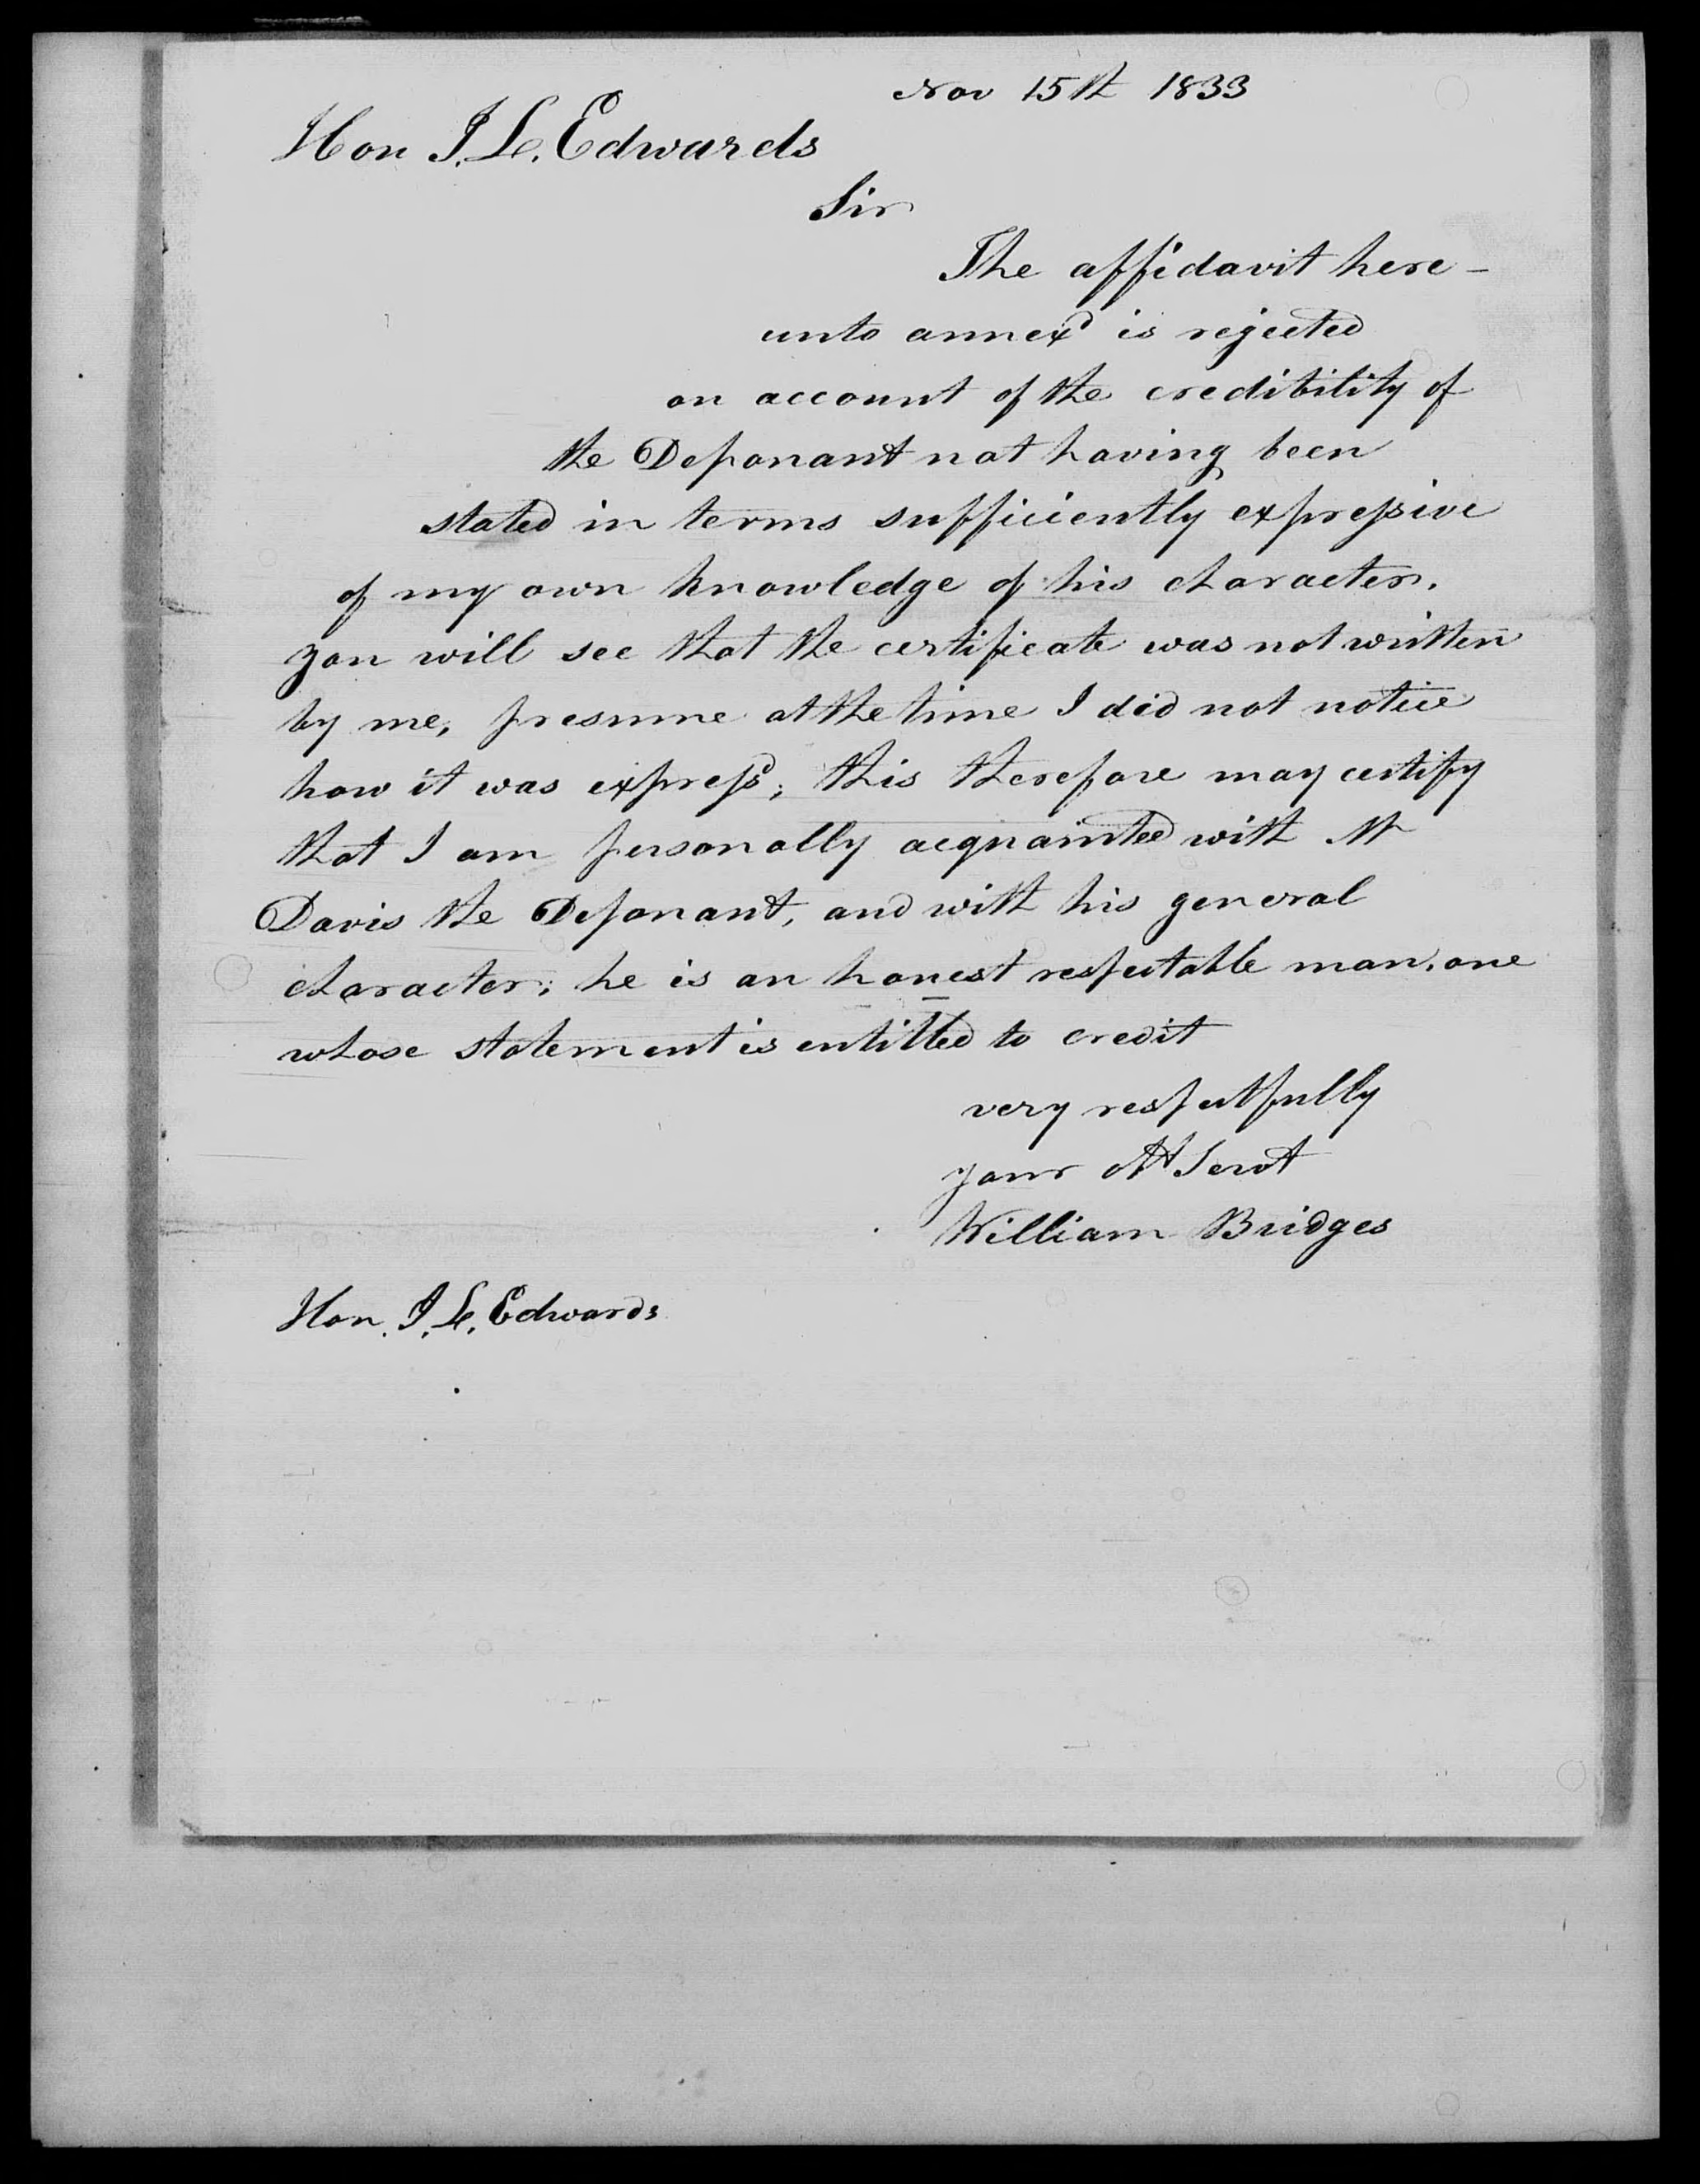Nov 15th 1833
Hon J.L. Edwards
Sir
The affidavit hereunto annexed is rejected
on account of the credibility of the Deponant
 not having been stated in terms sufficiently 
expressive. Of my own knowledge of his character
you will see that the certificate was not written by
me, presume at the time I did not notice
how it was express’d. This therefore may certify
that I am personally acquainted with Mr
Davis the Deponent, and with his general
character; he is an honest respectable man, one whose
statement is entitled to credit.
Very respectfully
Your Servt
William Bridges

Hon J. L. Edwards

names: William Bridges; J L Edwards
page: 42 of 99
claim: widow's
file: W. 24,482, for Richard Lattin, Vermont